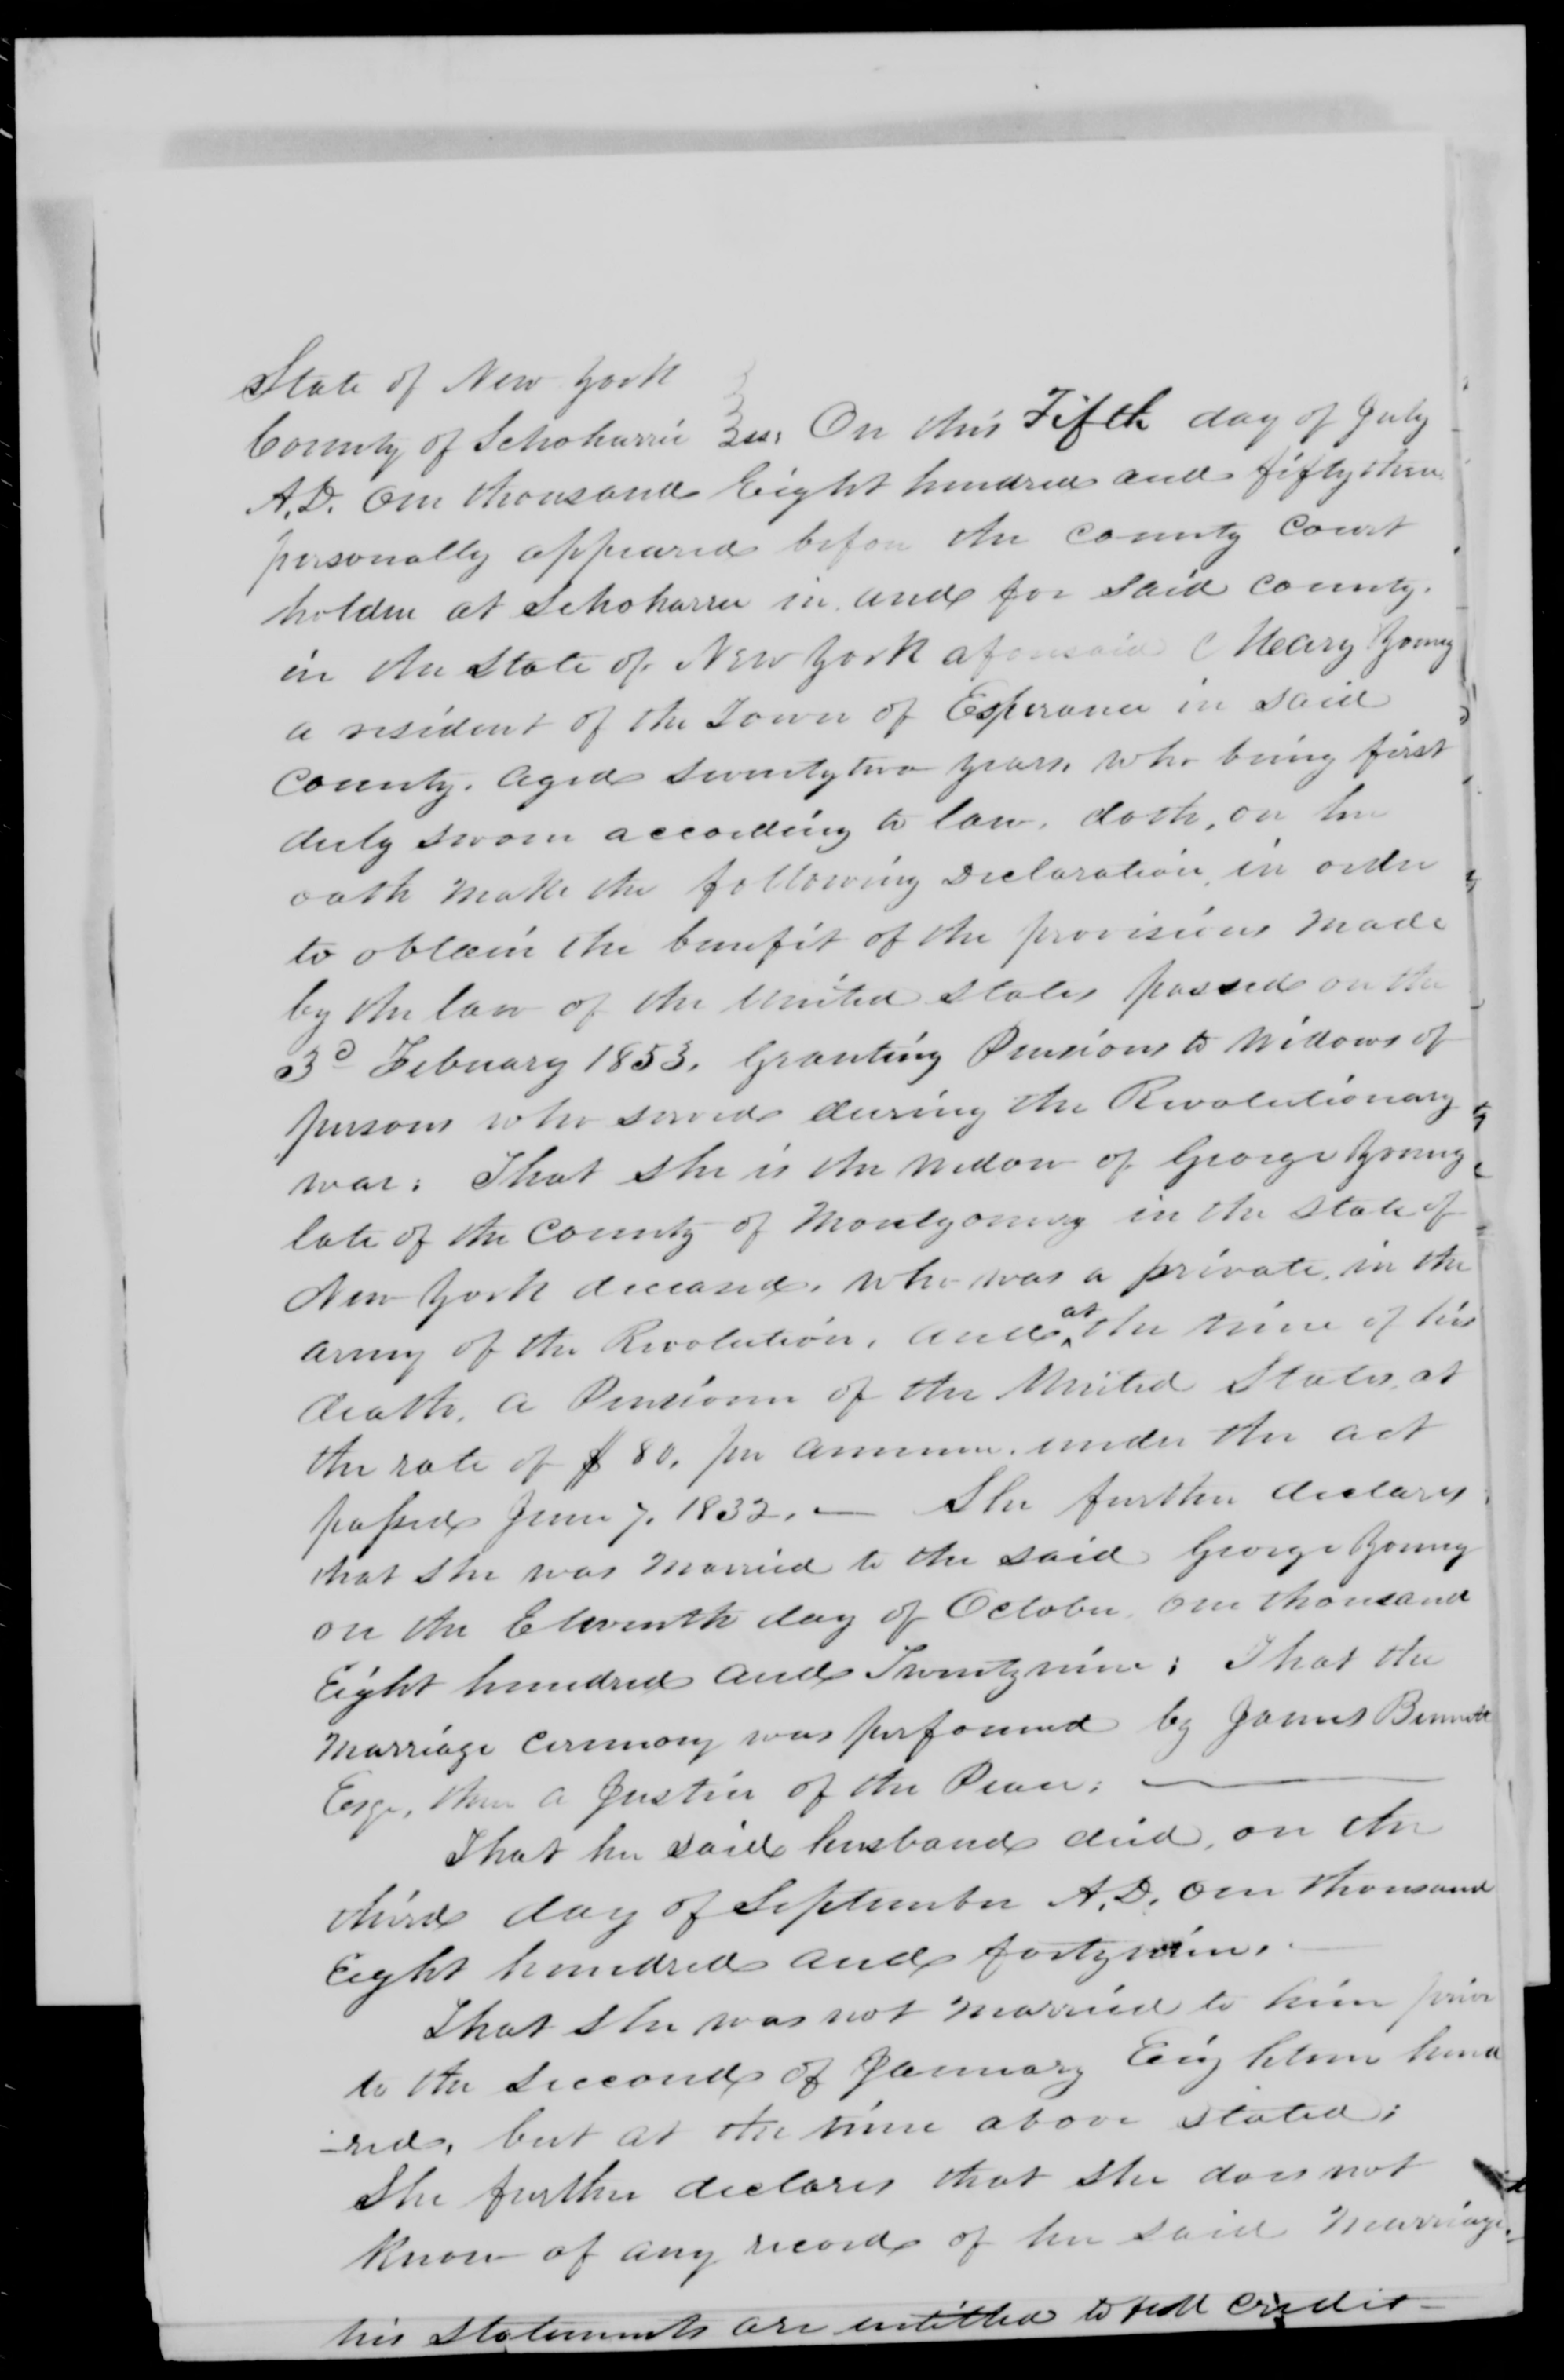State of New York
County of Schoharrie ⎬ On this Fifth day of July
A.D. One thousand Eight hundred and fifty then
personally appeared before the County Court
holden at Schoharn in and for said County
in the State of New York aforesaid Mary Young
a resident of the Town of Esperance in said
County, aged Seventy two years, who being first
duly sworn according to law, doth, on her
oath make the following declaration in order
to obtain the benefit of the provisions made
by the law of the United States passed on the
3d February 1853, granting Pensions to widows of
persons who served during the Revolutionary war
. That she is the widow of George Young
late of the County of Montgomery in the State of
New York deceased, who was a private in the
army of the Revolution, and the time of
death, a Pensioner of the United States, a
the rate of $80. per annum, under the act
passed June 7, 1832, - She further declare
that she was married to the said George Young
on the Eleventh day of October one thousan
Eight hundred and Twenty nine; That the
Marriage ceremony was performed by James Benn
Esq then a Justice of the Peace.-
That her said husband died, on the
third day of September A.D. One thous
Eight hundred and forty,
That she was not married to him prior
to the seccond of January Eighteen
nd, but at the time above stated;
she further declares that she does not
know of any record of her said Mariage
his statements are entitled to full credit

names: George Young, James Bennett, Mary Young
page: 14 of 67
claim: widow's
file: W. 7379, George Young, New Jersey